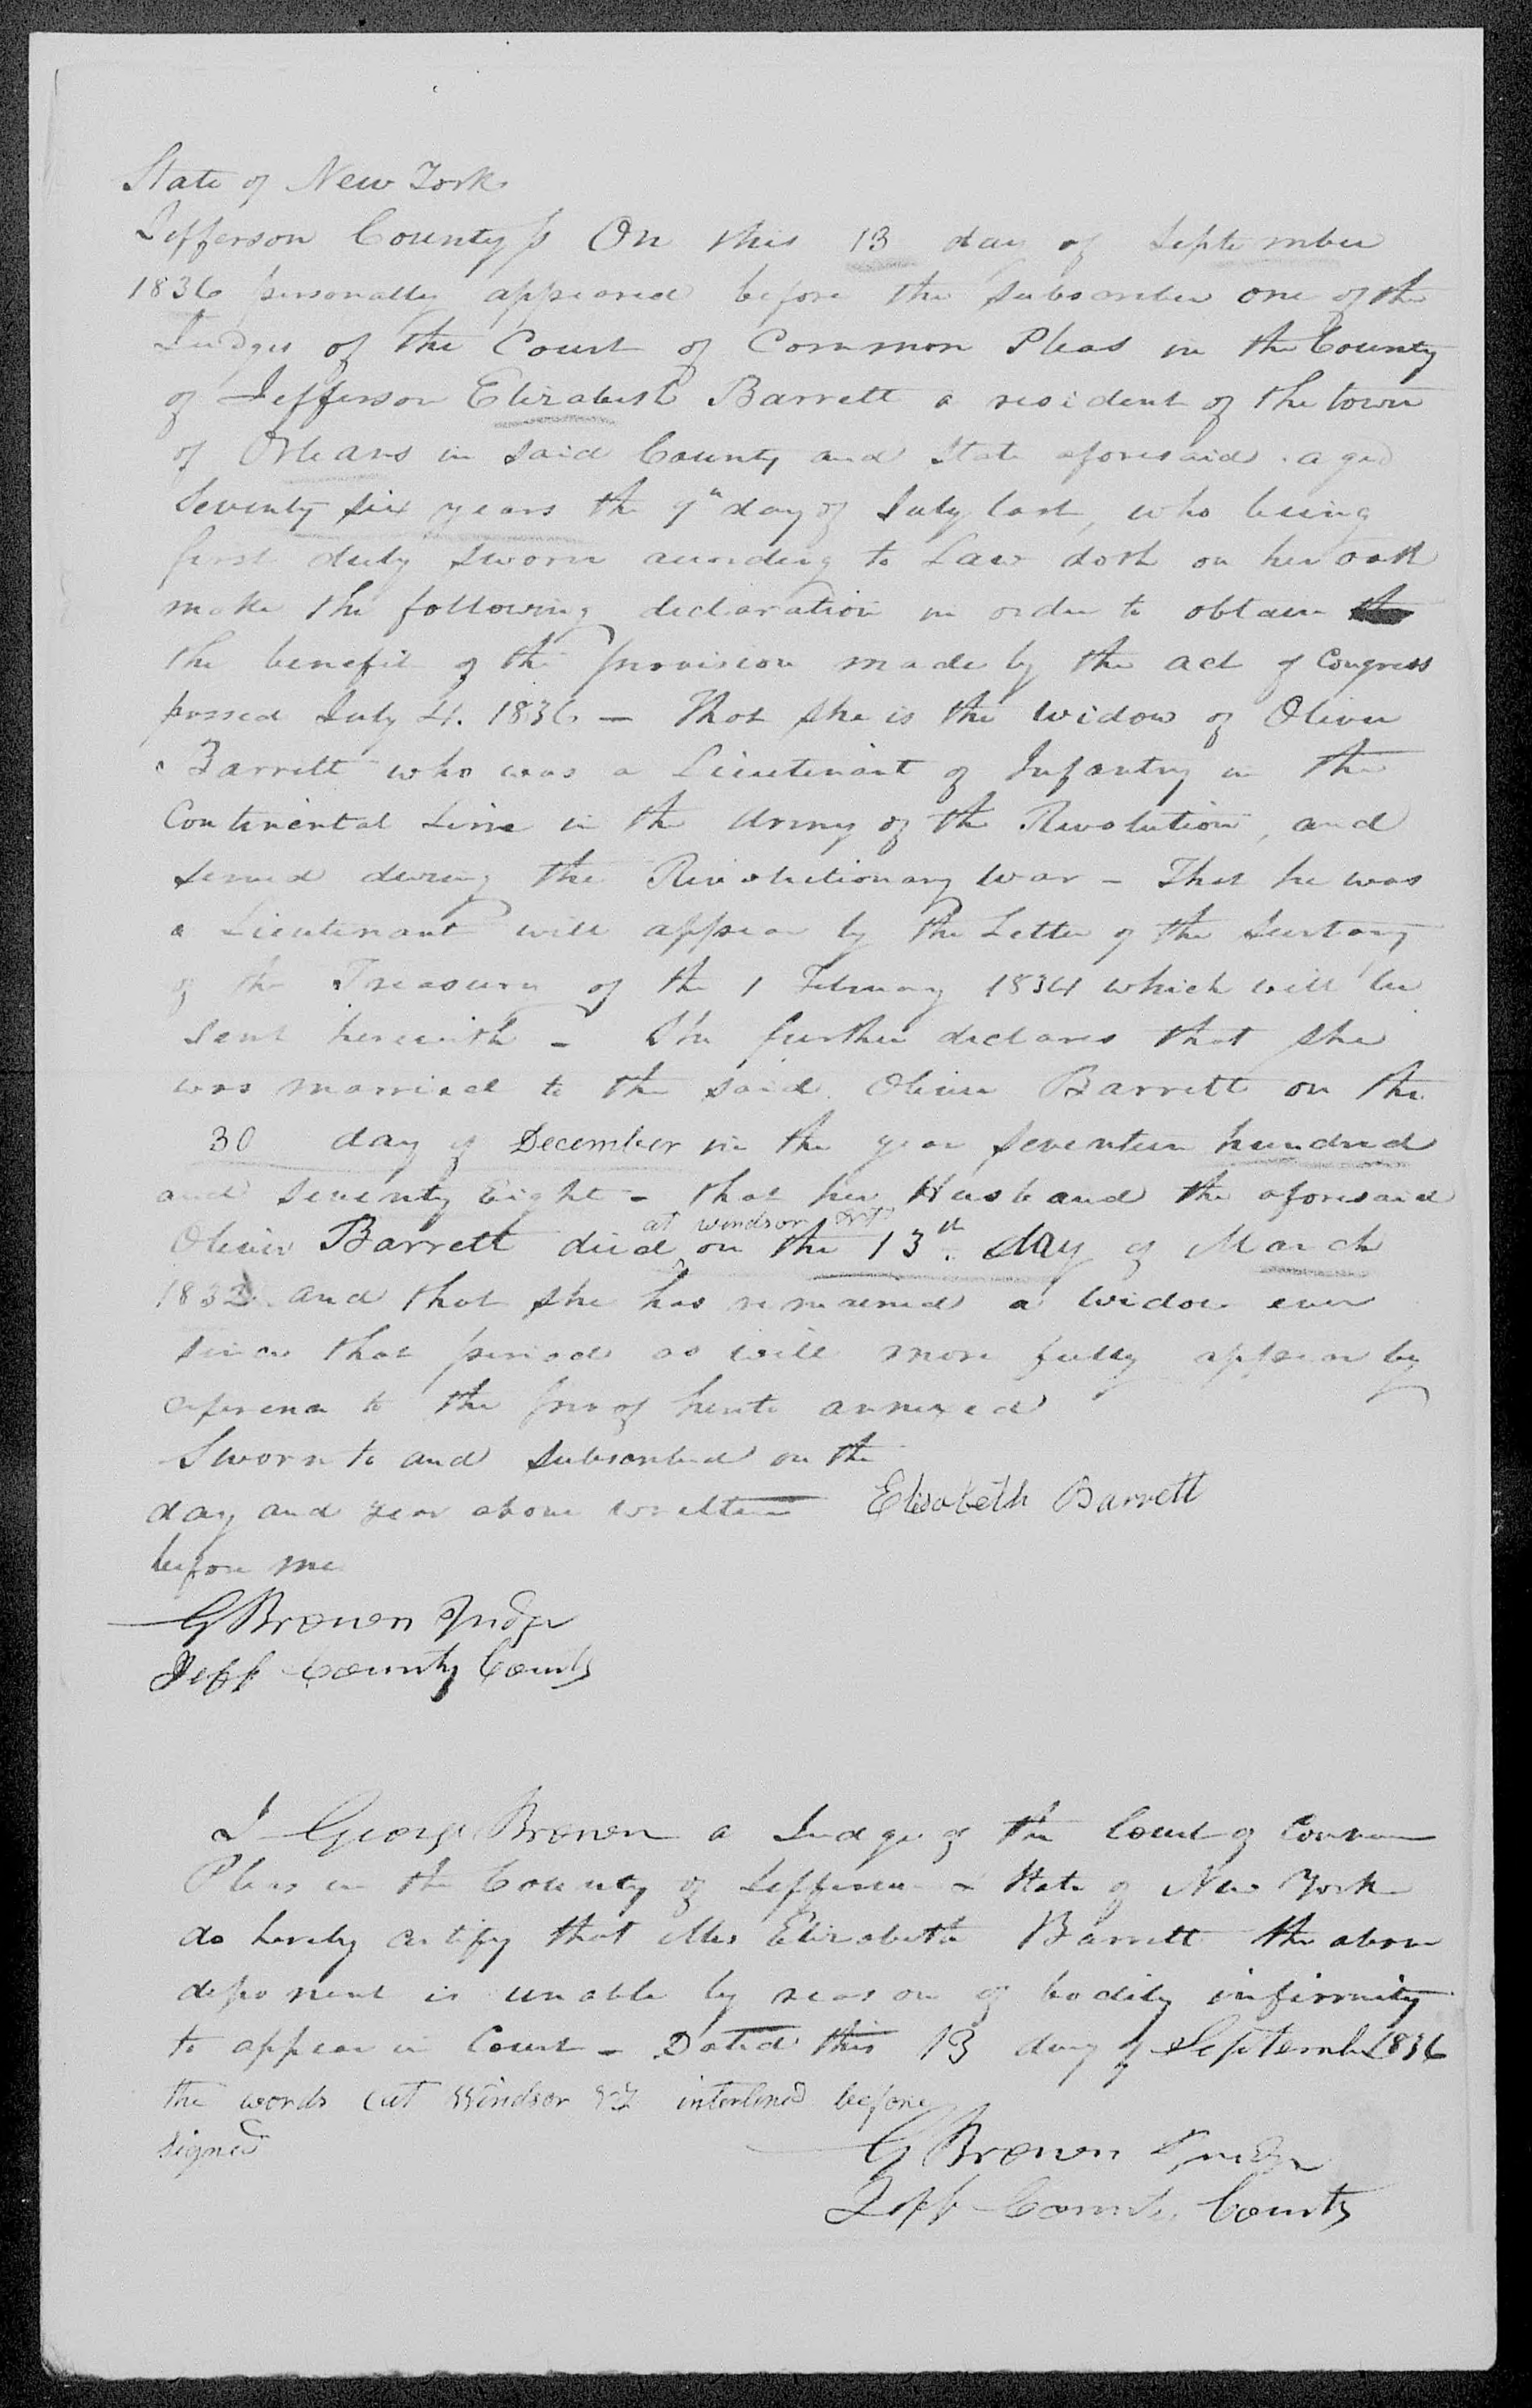State of New York
Jefferson County ss On this 13 day of September 1836 personally appeared before the subscriber one of the Judges of the Court of Common Pleas in the County of Jefferson Elizabeth Barrett a resident of the town of Orleans in said county and state aforesaid aged seventy six year the 9th day of July last, who being first duly sworn according to Law doth on her oath make the following declaration in order to obtain the benefit of the provision made by the Act of Congress passed July 4, 1836. That she is the widow of Oliver Barrett who was a Lieutenant of Infantry in the Continental line in the Army of the Revolution and served during the Revolutionary War. That he was a Lieutenant will appear by the letter of the Secretary of the Treasury of the 1 February 1834 which will be sent herewith. She further declares that she was married to the said Oliver Barrett on the 30 day of December in the year seventeen hundred and seventy eight. That her husband the aforesaid Oliver Barrett died at Windsor VT on the 13th day of March 1833 and that she has remained a widow ever since that period as will more fully appear by subpeona to the proof hereto annexed. 
Sworn to and subscribed on the 
day and year above stated
before me
G. Brown Judge
Jeff 
County Courts
Elizabeth Barrett

I George Brown a Judge of the Court of Common Pleas of the County of Jefferson and State of New York do hereby certify that Mrs. Elizabeth Barrett the above deponent is unable by reason of bodily infirmity to appear in Court. Dated this 13 day of September 1836.
the words cut Windsor NY interlined before
signed
G Brown Judge
Jeff County Courts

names: Elisabeth Barrett, Elizabeth Barrett, George Brown, Oliver Barrett, G Brown, Oliver Barrett, Elizabeth Barrett, Oliver Barrett, G Brown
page: 9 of 83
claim: widow's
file: W. 10,384, Oliver Barrett, Continental (Vt.) N.Y.